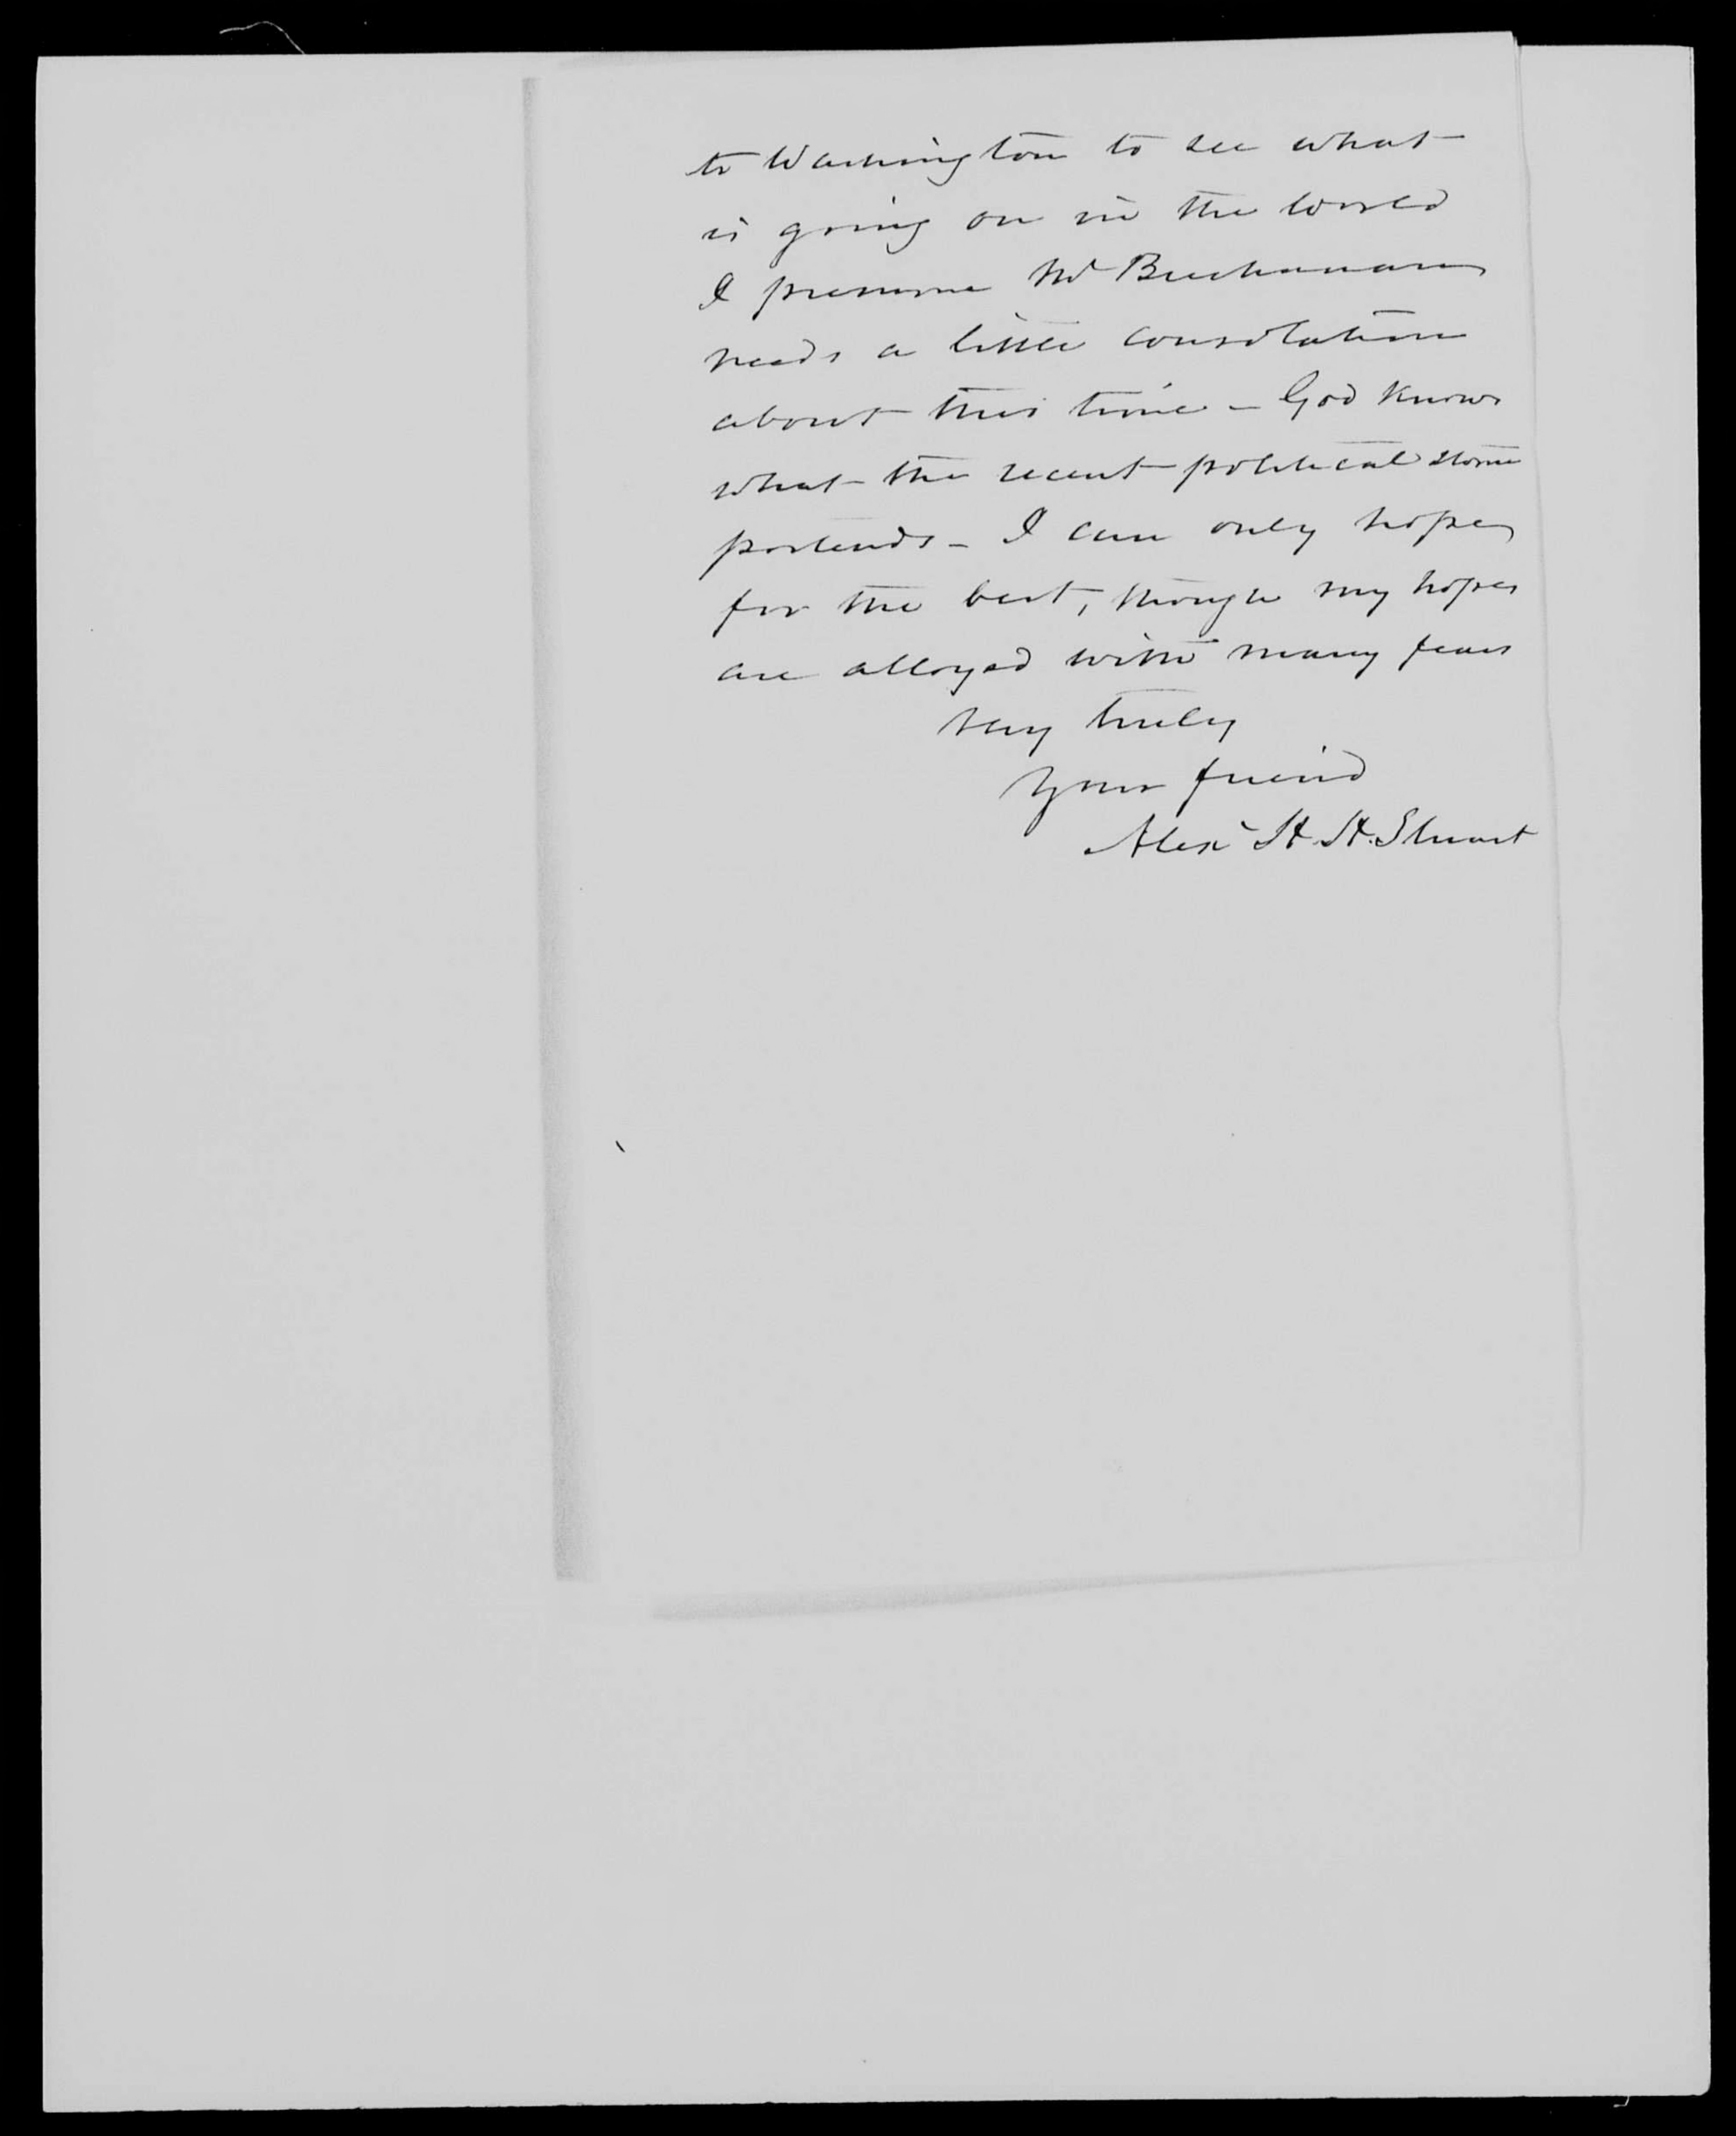to Washington to see what is going on in the world  I presume Mr. Buchanan needs a little consolation about this time_   God knows what the recent political storm portends_  I can only hope for the best, though my hopes are alloyed with many fears.
Very truly
Your friend
Alex H. H. Stuart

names: Buchanan, Alexr H H Stuart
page: 43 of 43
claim: widow's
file: W. 5,626, Nathan Anderson, Va.